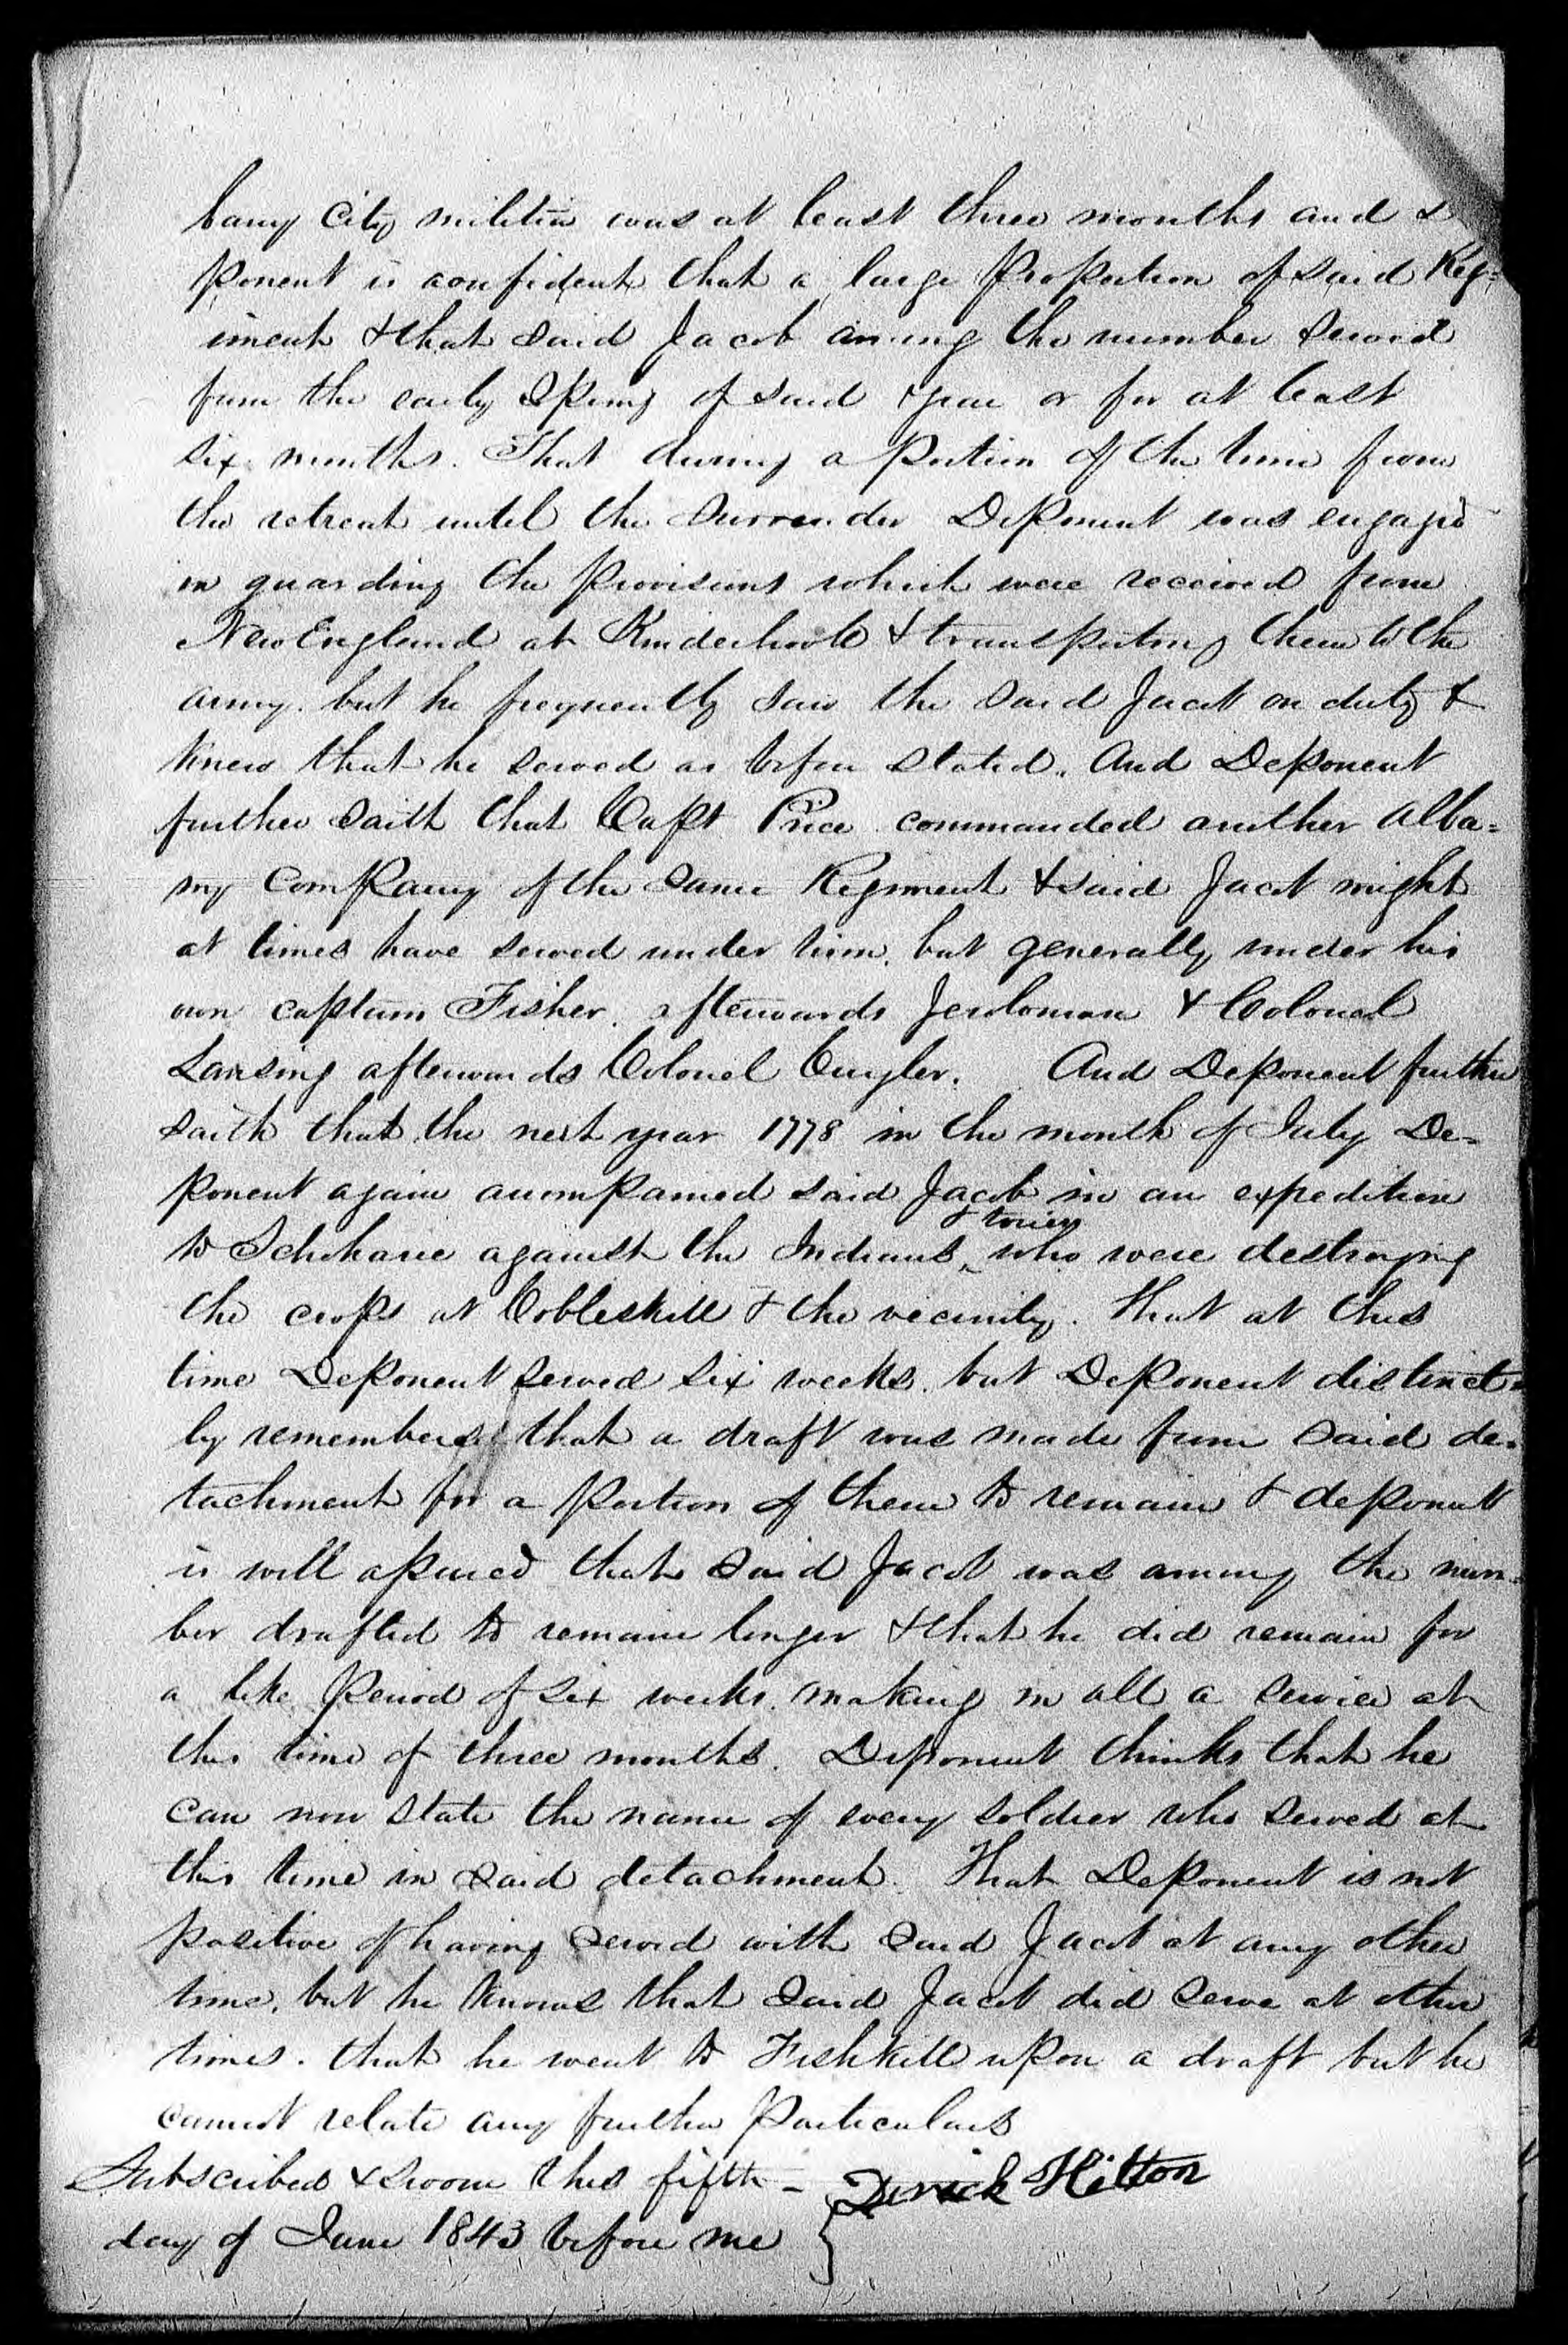Service New York Hilton, Jacob W. Number W.19788
Hilton, Mary
Contents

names: Jacob, Fisher, Jacob, Jacob, Jacob, Derick Hilton, Price, Cuyler, W Schokaric, Jeroloman, Jacob, Jacob, Jacob, Lansing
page: 26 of 48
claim: widow's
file: W. 19788, Jacob W Hilton, New York